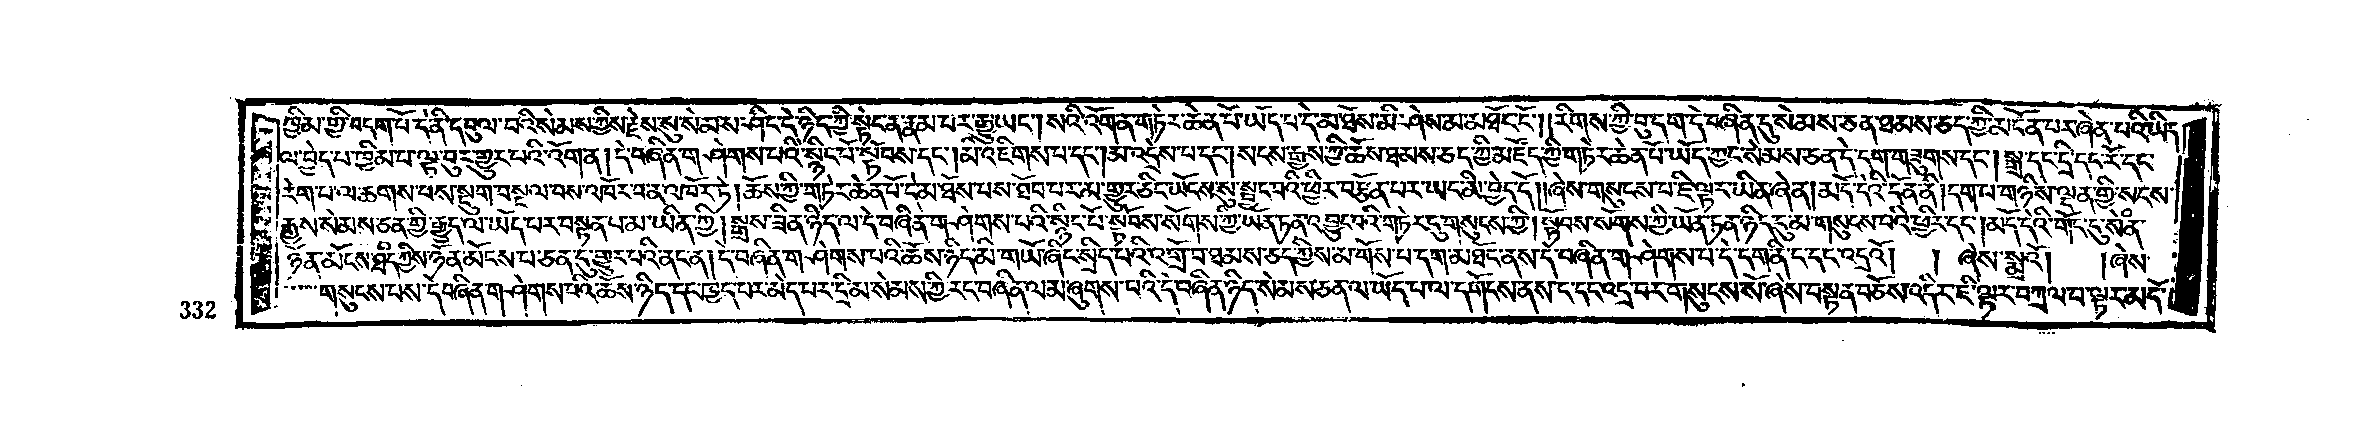ཁྱིམ་གྱི་བདག་པོ་དེ་ནི་དབུལ་པའི་སེམས་ཀྱིས་རྗེས་སུ་སེམས་ཤིང་དེ་ཉིད་ཀྱི་སྟེང་ན་རྣམ་པར་རྒྱུ་ཡང་། སའི་འོག་ན་གཏེར་ཆེན་པོ་ཡོད་པ་དེ་མ་ཐོས་མི་ཤེས་མ་མཐོང་ངོ། །རིགས་ཀྱི་བུ་དག་དེ་བཞིན་དུ་སེམས་ཅན་ཐམས་ཅད་ཀྱི་མངོན་པར་ཞེན་པའི་ཡིད་
ལ་བྱེད་པ་ཁྱིམ་པ་ལྟ་བུར་གྱུར་པའི་འོག་ན། དེ་བཞིན་གཤེགས་པའི་སྙིང་པོ་སྟོབས་དང་། མི་འཇིགས་པ་དང་། མ་འདྲེས་པ་དང་། སངས་རྒྱས་ཀྱི་ཆོས་ཐམས་ཅད་ཀྱི་མཛོད་ཀྱི་གཏེར་ཆེན་པོ་ཡོད་ཀྱང་སེམས་ཅན་དེ་དག་གཟུགས་དང་། སྒྲ་དང་དྲི་དང་རོ་དང་
རེག་པ་ལ་ཆགས་པས་སྡུག་བསྔལ་བས་འཁོར་བ་ན་འཁོར་ཏེ། ཆོས་ཀྱི་གཏེར་ཆེན་པོ་དེ་མ་ཐོས་པས་ཐོབ་པར་མ་གྱུར་ཅིང་ཡོངས་སུ་སྦྱང་བའི་ཕྱིར་བརྩོན་པར་ཡང་མི་བྱེད་དོ། །ཞེས་གསུངས་པ་ཇི་ལྟར་ཡིན་ཞེ་ན། མདོ་དེའི་དོན་ནི། དག་པ་གཉིས་ལྡན་གྱི་སངས་
རྒྱས་སེམས་ཅན་གྱི་རྒྱུད་ལ་ཡོད་པར་བསྟན་པ་མ་ཡིན་གྱི་།སྒྲས་ཟིན་ཉིད་ལ་དེ་བཞིན་གཤེགས་པའི་སྙིང་པོ་སྟོབས་སོགས་ཀྱི་ཡོན་ཏན་འབྱུང་བའི་གཏེར་དུ་གསུངས་ཀྱི། སྟོབས་སོགས་ཀྱི་ཡོན་ཏན་ཉིད་དུ་མ་གསུངས་པའི་ཕྱིར་དང་། མདོ་དེའི་གོང་དུ་སེམས་ཅན་
ཉོན་མོངས་ཐམས་ཅད་ཀྱིས་ཉོན་མོངས་པ་ཅན་དུ་གྱུར་པའི་ནང་ན། དེ་བཞིན་གཤེགས་པའི་ཆོས་ཉིད་མི་གཡོ་ཞིང་སྲིད་པའི་འགྲོ་བ་ཐམས་ཅད་ཀྱིས་མ་གོས་པ་དག་མཐོང་ནས་དེ་བཞིན་གཤེགས་པ་དེ་དག་ནི་ང་དང་འདྲའོ། །ཞེས་སྨྲའོ། །ཞེས་
གསུངས་པས་དེ་བཞིན་གཤེགས་པའི་ཆོས་ཉིད་དང་ཁྱད་པར་མེད་པར་དྲི་མ་སེམས་ཀྱི་རང་བཞིན་ལ་མ་ཞུགས་པའི་དེ་བཞིན་ཉིད་སེམས་ཅན་ལ་ཡོད་པ་ལ་དགོངས་ནས་ང་དང་འདྲ་བར་གསུངས་སོ་ཞེས་བསྟན་བཅོས་འདིར་ཇི་ལྟར་བཀྲལ་བ་ལྟར་མདོ་